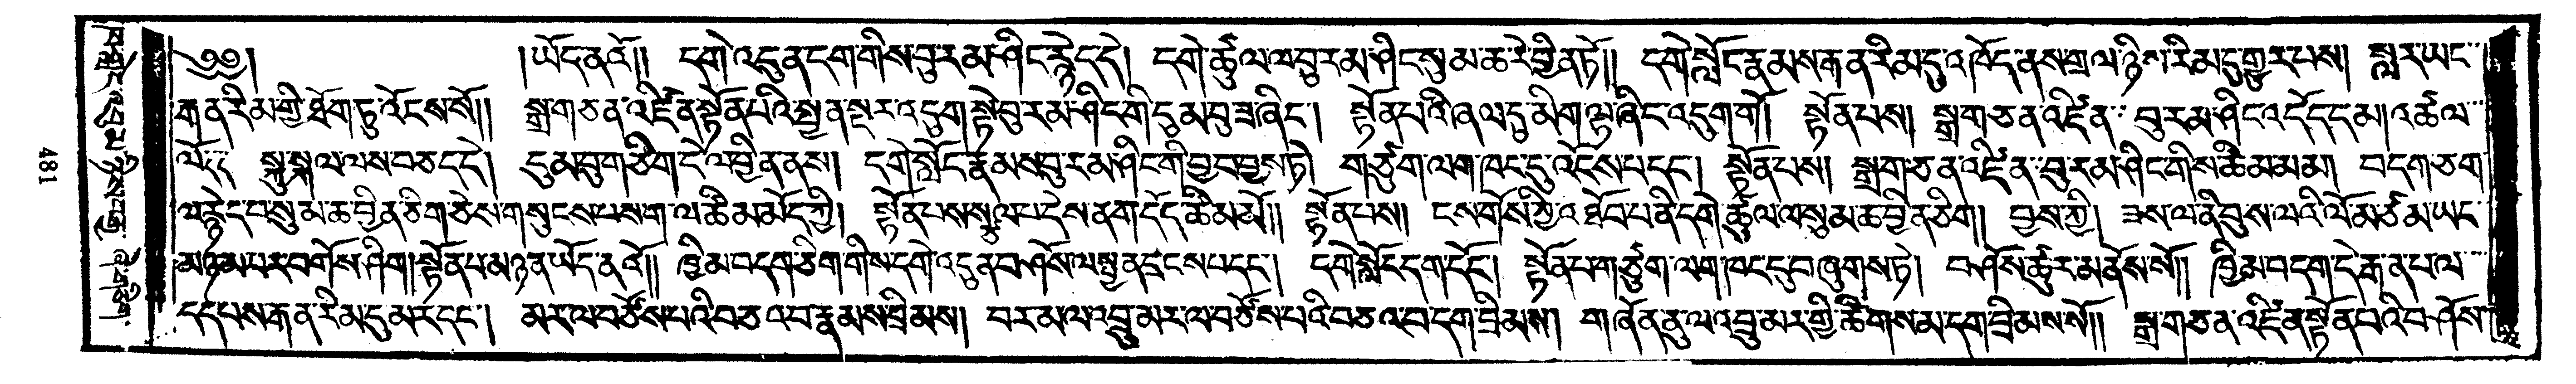༄༅། །ཡོད་ནའོ།། དགེ་འདུན་དག་གིས་བུ་རམ་ཤིང་རྙེད་དེ། དགེ་ཚུལ་ལ་བུར་མ་ཤིང་སུམ་ཆ་རེ་བྱིན་ཏོ།། དགེ་སློང་རྣམས་རྒན་རིམ་དུ་འཁོད་ནས་གྲལ་ཉིས་རིམ་དུ་གྱུར་པས། སླར་ཡང་
རྒན་རིམ་གྱི་ཐོག་ཏུ་འོངས་སོ།། སྒྲ་གཅན་འཛིན་སྟོན་པའི་སྤྱན་སྔར་འདུག་སྟེ་བུ་རམ་ཤིང་གི་དུམ་བུ་ཟ་ཞིང་། སྟོན་པའི་ཞལ་དུ་མིག་ལྟ་ཞིང་འདུག་གོ། སྟོན་པས། སྒྲ་གཅན་འཛིན་བུ་རམ་ཤིང་འདོད་དམ། འཚལ་
ལོ༑༑ སྐུ་སྐལ་ལས་བཅད་དེ། དུམ་བུ་གཅིག་དེ་ལ་བྱིན་ནས། དགེ་སློང་རྣམས་བུ་རམ་ཤིང་གི་བྱ་བ་བྱས་ཏེ། གཙུག་ལག་ཁང་དུ་འོངས་པ་དང་། སྟོན་པས། སྒྲ་གཅན་འཛིན་བུ་རམ་ཤིང་གིས་ཚིམ་མམ། བདག་ཅག་
ལ་རྙེད་པ་སུམ་ཆ་བྱིན་ཅིག་ཅེས་གསུངས་པས་ག་ལ་ཚིམ་མོད་ཀྱི། སྟོན་པས་སྩལ་པ་དེས་ནག་དོད་ཚིམ་མོ།། སྟོན་པས། ངས་གོས་ཀྱི་འཐོབ་པ་ནི་དགེ་ཚུལ་ལ་སུམ་ཆ་བྱིན་ཅིག། བྱས་ཀྱི། ཟས་ལ་ནི་བུས་ལའི་ལོ་མ་ཙམ་ཡང་
མཉམ་པར་བགོས་ཤིག། སྟོན་པ་མཉན་ཡོད་ནའོ།། ཁྱིམ་བདག་ཅིག་གིས་དགེ་འདུན་བཤོས་ལ་སྤྱན་དྲངས་པ་དང་། དགེ་སློང་དག་དོང་། སྟོན་པ་གཙུག་ལག་ཁང་དུ་བཞུགས་ཏེ། བཤོས་ཚུར་མནོས་སོ།། ཁྱིམ་བདག་དེ་རྒན་པ་ལ་
དད་པས་རྒན་རིམ་དུ་མར་དང་། མར་ལ་བཙོས་པའི་བཅའ་བ་རྣམས་བྲིམས། བར་མ་ལ་འབྲུ་མར་ལ་བཙོས་པའི་བཅའ་བ་དག་བྲིམས། གཞོན་ནུ་ལ་འབྲུ་མར་གྱི་ཚིགས་མ་དག་བྲིམས་སོ།། སྒྲ་གཅན་འཛིན་སྟོན་པའི་བཤོས་